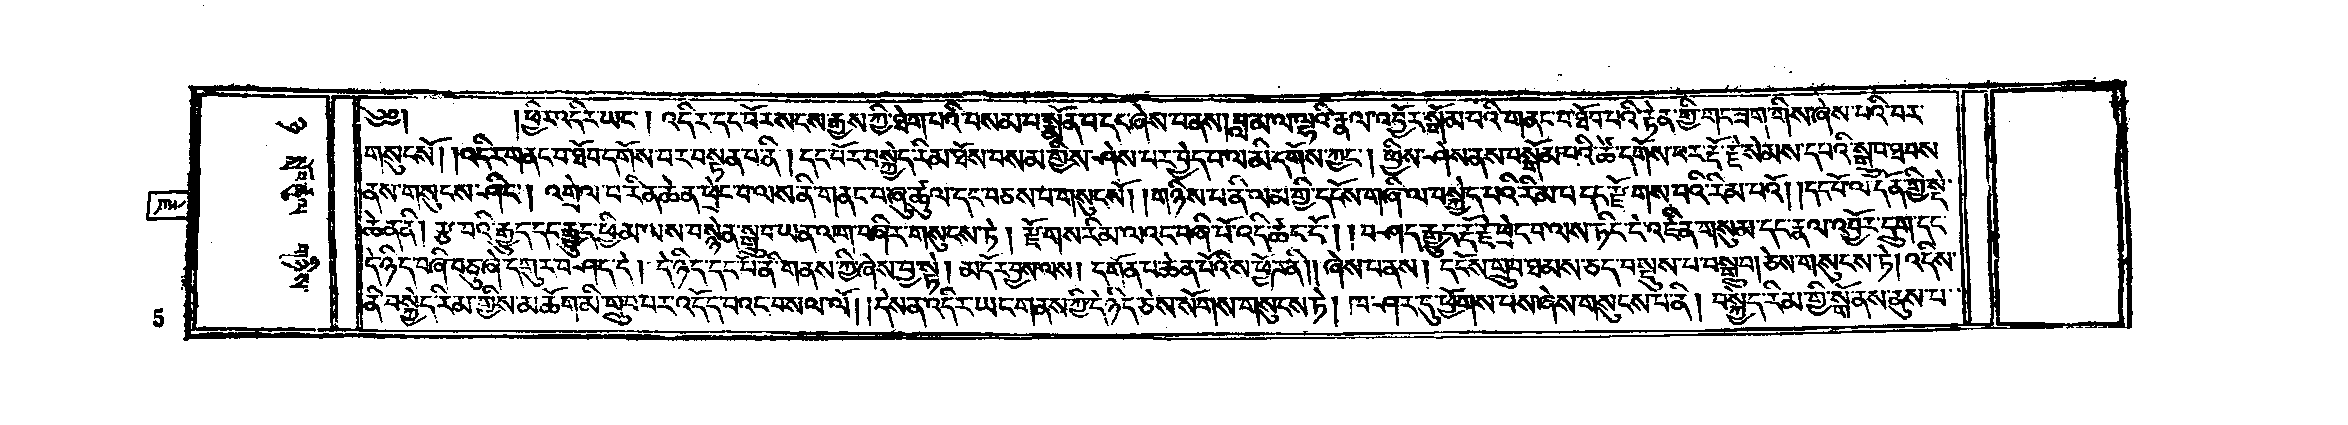༄༅། །ཕྱིར་འདིར་ཡང་། འདིར་དང་པོར་སངས་རྒྱས་ཀྱི་ཐེག་པའི་བསམ་པ་སྨོན་པ་དང་ཞེས་པ་ནས། བླ་མ་ལ་ལྷའི་རྣལ་འབྱོར་སྒོམ་པའི་གནང་བ་ཐོབ་པའི་རྟེན་གྱི་གང་ཟག་གིས་ཞེས་པའི་བར་
གསུངས་སོ། །འདིར་གནང་བ་ཐོབ་དགོས་པར་བསྟན་པ་ནི། དང་པོར་བསྐྱེད་རིམ་ཐོས་བསམ་གྱིས་ཤེས་པར་བྱེད་པ་ལ་མི་དགོས་ཀྱང་། ཕྱིས་ཤེས་ནས་བསྒོམ་པའི་ཚེ་དགོས་པར་རྡོ་རྗེ་སེམས་དཔའི་སྒྲུབ་ཐབས་
ནས་གསུངས་ཤིང་། འགྲེལ་པ་རིན་ཆེན་ཕྲེང་བ་ལས་ནི་གནང་བ་ཞུ་ཚུལ་དང་བཅས་པ་གསུངས་སོ། །གཉིས་པ་ནི་ལམ་གྱི་དངོས་གཞི་ལ་བསྐྱེད་པའི་རིམ་པ་དང་རྫོགས་པའི་རིམ་པའོ། །དང་པོ་ལ་དོན་གྱི་སྡེ་
ཚན་ནི། རྩ་བའི་རྒྱུད་དང་རྒྱུད་ཕྱི་མ་ལས་བསྙེན་སྒྲུབ་ཡན་ལག་བཞིར་གསུངས་ཏེ། རྫོགས་རིམ་ལའང་བཞི་པོ་འདི་ཚང་ངོ། །བཤད་རྒྱུད་རྡོ་རྗེ་ཕྲེང་བ་ལས་ཏིང་ངེ་འཛིན་གསུམ་དང་རྣལ་འབྱོར་དྲུག་དང་
དེ་ཉིད་བཞི་བཅུ་ཞེ་དགུར་བཤད་དེ། དེ་ཉིད་དང་པོ་ནི་གནས་ཀྱི་ཞེས་བྱ་སྟེ། མདོར་བྱས་ལས། དགོན་པ་ཆེན་པོའི་ས་ཕྱོགས་ནི། །ཞེས་པ་ནས། དངོས་གྲུབ་ཐམས་ཅད་བསྡུས་པ་བསྒྲུབ། ཅེས་གསུངས་ཏེ། འདིས་
ནི་བསྐྱེད་རིམ་གྱིས་མཆོག་མི་གྲུབ་པར་འདོད་པའང་བསལ་ལོ། །དེས་ན་འདིར་ཡང་གནས་ཀྱི་དེ་ཉིད་ཅེས་སོགས་གསུངས་ཏེ། ཁ་ཤར་དུ་ཕྱོགས་པས་ཞེས་གསུངས་པ་ནི། བསྐྱེད་རིམ་གྱི་སྒོ་ནས་ནུས་པ་